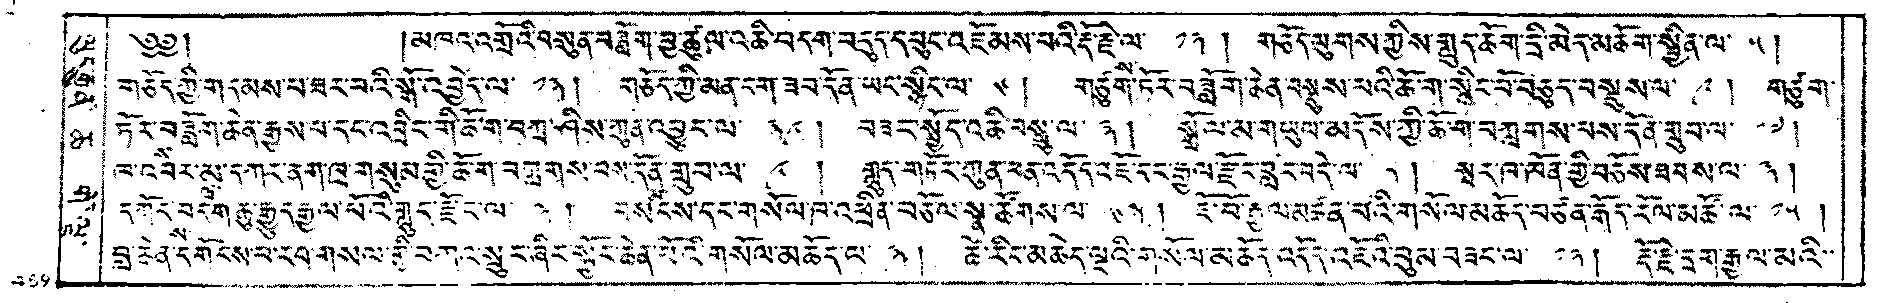༄༅། །མཁའ་འགྲོའི་བསུན་བཟློག་བྱ་ཚུལ་འཆི་བདག་བདུད་དཔུང་འཇོམས་པའི་རྡོ་རྗེ་ལ ༡༢། གཅོད་ལུགས་ཀྱིས་གླུད་ཆོག་དྲི་མེད་མཆོག་སྦྱིན་ལ ༥།
གཅོད་ཀྱི་གདམས་པ་ཐར་པའི་སྒོ་འབྱེད་ལ ༡༣། གཅོད་ཀྱི་མན་ངག་ཟབ་དོན་ཡང་སྙིང་ལ ༤། གཙུག་ས་ཏོར་བཟློག་ཆེན་བསྡུས་པའི་ཆོ་ག་སྙིང་པོ་བཅུད་བསྡུས་ལ ༩། གཙུག་
ཏོར་བཟློག་ཆེན་རྒྱས་པ་དང་འབྲིང་གི་ཆོ་ག་བཀྲ་ཤིས་ཀུན་འབྱུང་ལ ༣༩། བཟང་སྤྱོད་འཆི་བསླུ་ལ ༣། སྒྲོལ་མ་གཡུལ་མདོས་ཀྱི་ཆོ་ག་བཀླགས་པས་དོན་གྲུབ་ལ ༡༧།
ཁ་ས་འབར་མ་དཀར་ནག་ཁྲ་གསུམ་གྱི་ཆོ་ག་བཀླགས་པས་དོན་གྲུབ་ལ ༩། གླུད་གཏོར་ཀུན་ཕན་འདོད་འཇོ་དང་རྒྱལ་རྫོང་བླང་བདེ་ལ ༨། སྤར་ཁ་ཁོན་གྱི་བཅོས་ཐབས་ལ ༣།
དཀོར་ཝ་བདག་ཆུ་རྒྱུད་རྒྱལ་པོའི་གླུད་རྫོང་ལ ༣། བསངས་མ་དང་གསོལ་ཁ་འཕྲིན་བཅོལ་སྣ་ཚོགས་ལ ༤༣། ཇོ་བོ་རྒྱལ་མཚན་པའི་གསོལ་མཆོད་བཙན་རྒོད་རོལ་མཚོ་ལ ༡༥།
བླ་ཆེན་ས་དགོངས་པ་རབ་གསལ་གྱི་བཀའ་སྲུང་ཞིང་སྐྱོང་ཆེན་པོའི་གསོལ་མཆོད་ལ ༣། ཚེ་རིང་མཆེད་ལྔའི་གསོལ་མཆོད་འདོད་འཇོའི་བུམ་བཟང་ལ ༡༢། རྡོ་རྗེ་དྲག་རྒྱལ་མའི་